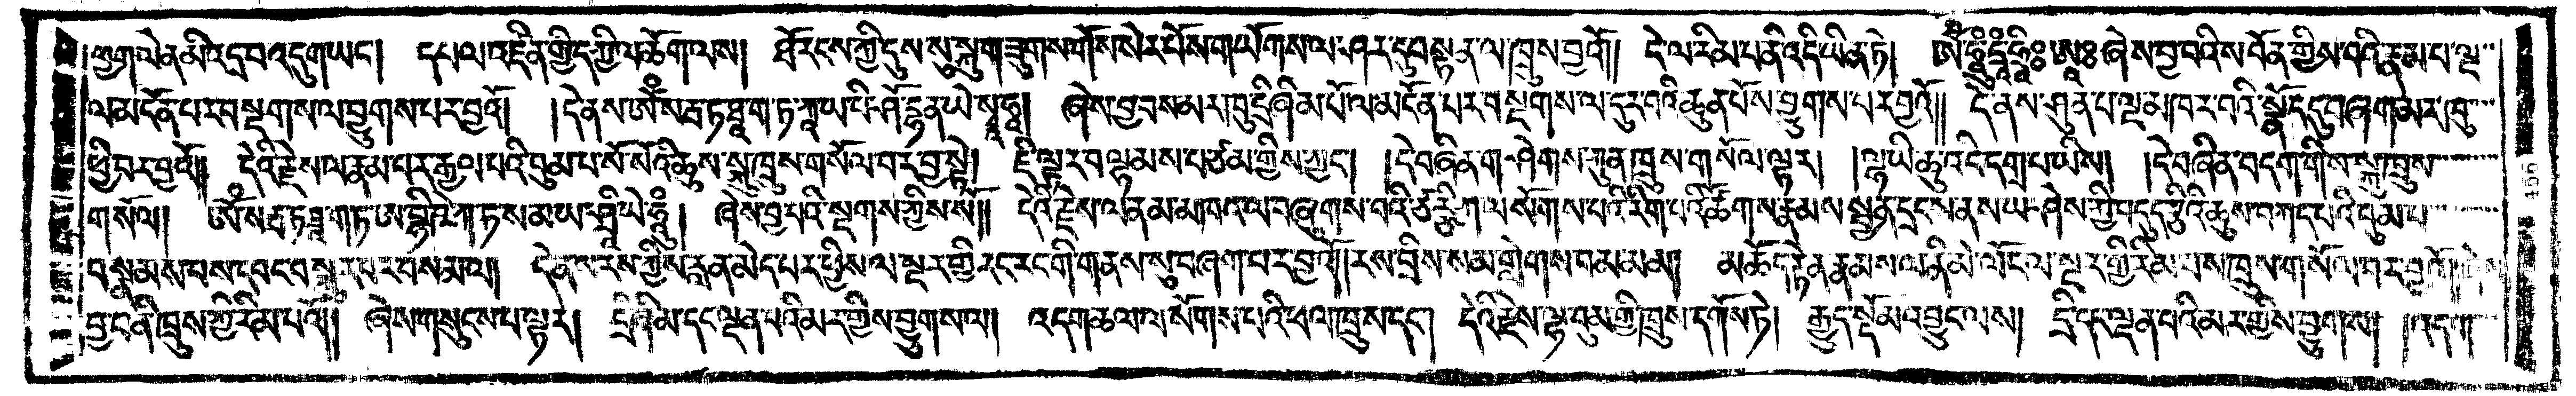ཕྱག་ལེན་མི་འདྲ་བ་འདུག་ཡང་། དཔལ་འཛིན་གྱི་དཀྱིལ་ཆོག་ལས། ཐོ་རངས་ཀྱི་དུས་སྐུ་གཟུགས་གོས་སེར་པོས་གཡོགས་ལ་ཤར་དུ་བསྟན་ལ་ཁྲུས་བྱའོ། །དེ་ལ་རིམ་པ་ནི་འདི་ཡིན་ཏེ། ཨོཾ་ཧཱུཾ་དྲཱཾ་ཧྲཱིཿ ཨཿ ཞེས་བྱ་བའི་ས་བོན་གྱིས་བའི་རྣམ་པ་ལྔ་
ལ་མངོན་པར་བསྔགས་ལ་བྱུགས་པར་བྱའོ། །དེ་ནས་ཨོཾ་སརྦ་ཏ་ཐཱ་ག་ཏ་ཀཱ་ཡ་བི་ཤོ་དྷ་ན་ཡེ་སྭཱཧཱ། ཞེས་བྱ་བས་མར་ཁུ་དྲི་ཞིམ་པོ་ལ་མངོན་པར་བསྔགས་ལ་ངུར་ཆུན་པོས་བྱུགས་པར་བྱའོ། །དེ་ནས་ཤུན་པ་ལྔ་མཁར་པའི་སྣོད་དུ་བཞག་མར་ཁུ་
ཕྱི་བར་བྱའོ། དེའི་རྗེས་ལ་རྣམ་པར་རྒྱལ་བའི་བུམ་པ་སོ་སོའི་ཆུས་སྐུ་ཁྲུས་གསོལ་བར་བྱ་སྟེ། ཇི་ལྟར་བལྟམས་བ་ཙམ་གྱིས་ཀྱང་། །དེ་བཞིན་གཤེགས་ཀུན་ཁྲུས་གསོལ་ལྟར། །ལྷ་ཡི་ཆུ་འདི་དགྲ་པ་ཡིས། །དེ་བཞིན་བདག་གིས་སྐུ་ཁྲུས་
གསོལ། ཨོཾ་སརྦ་ཏཐཱ་ག་ཏ་ཨ་བྷི་ཥེ་ཀ་ཏ་ས་མ་ཡ་ཤྲཱི་ཡེ་ཧཱུཾ། ཞེས་བྱ་བའི་སྔགས་ཀྱིས་སོ། །དེའི་རྗེས་ལ་ནམ་མཁའ་ལ་བཞུགས་བའི་རྩརྩི་ཀ་ལ་སོགས་པའི་རིག་པའི་ཚོགས་རྣམས་སྤྱན་དྲངས་ནས་ཡེ་ཤེས་ཀྱི་བདུད་རྩིའི་ཆུས་བཀད་པའི་བུམ་པ་
བསྣམས་བས་དབང་བསྐུར་བར་བསམ་ལ། དེ་ནས་རིས་ཀྱིས་རླན་མེད་པར་ཕྱིས་ལ་སྔར་གྱི་རང་རང་གི་གནས་སུ་བཞག་པར་བྱའོ། །རས་བྲིས་སམ་གླེགས་བམ་མན། མཆོད་རྟེན་རྣམས་ལ་ནི་མེ་ལོང་ལ་སྔར་གྱི་རིམ་པས་ཁྲུས་གསོལ་བར་བྱའོ། །དེ་
བྱ་བ་ནི་ཁྲུས་ཀྱི་རིམ་པའོ། ཞེས་གསུངས་པ་ལྟར། དྲི་ཞིམ་དང་ལྡན་པའི་མར་གྱིས་བྱུགས་པ། འདག་ཆལ་ལ་སོགས་པའི་ཕལ་ཁྲུས་དང་། དེའི་རྗེས་ལྷ་བུམ་གྱི་ཁྲུས་དགོས་ཏེ། རྒྱུད་སྡོམ་འབྱུང་ལས། དྲི་དང་ལྡན་པའི་མར་གྱིས་བྱུགས། །བདག་